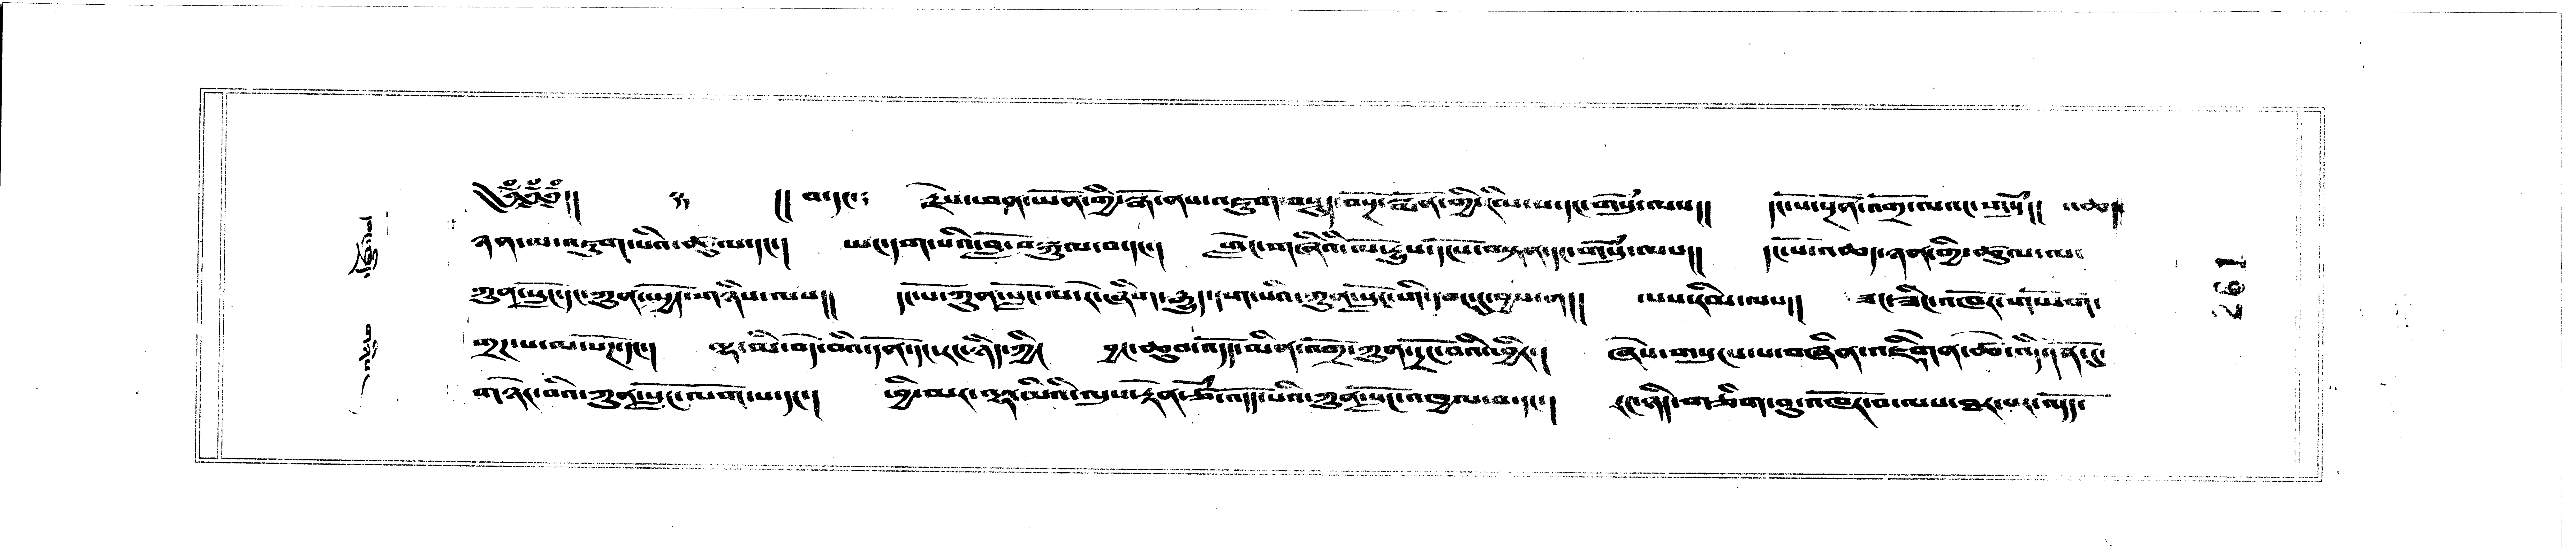བ་དངཿ རྗེས་ཕན་ཡོན་གྱི་སྒོ་ནས་མཇུག་བསྡུད་བསྔོ་སྨོན་གྱི་རིམ་པ་དང་གསུམ་ལས། དང་པོ་སྔོན་འགྲོ་ལའང་གསུམཿ འཆད་
ཉན་ལ་འཇུག་པའི་ཚུལ་དང་། ཡང་དག་པའི་བློ་བསྐུལ་བ་དངཿ གླེང་གཞིའི་ལོ་རྒྱུས་དངོས་བསྟན་པ་དང་གསུམ་ལས། དང་པོ་འཆད་ཉན་གྱི་ཚུལ་ལ་
ཀུན་སློང་དང་ཀུན་སྤྱོད་གཉིས་ལས། དང་པོ་ཀུན་སློང་རེ་ཞིག་རྒྱུད་དག་པའི་ཀུན་སློང་གི་དབང་དུ་བྱས་ནཿ ལམ་རིམ་ལསཿ ཟང་ཟིང་འཁོར་གཡོག་
གྲགས་པ་ལ་སོགས་དང་། ལྷ་མི་བདེ་བའི་དོན་དང་རང་ཉིད་ཀྱིཿ བྱང་ཆུབ་འདོད་མིན་འགྲོ་ཀུན་དྲོང་བའི་ཕྱིར། ཞེས་གསུངས་པ་བཞིན། འཇིག་རྟེན་ཚེ་འདི་དོན་དུ་
གཉེར་བའི་ཀུན་སློང་ལོག་པ་དང་། ཕྱི་མར་ལྷ་མིའི་ལུས་རྟེན་ཙམ་འདོད་པའི་ཀུན་སློང་འཁྱལ་བ་དང་། རང་ཉིད་གཅིག་པུ་འཁོར་བ་ལས་ཐར་བར་འདོད་